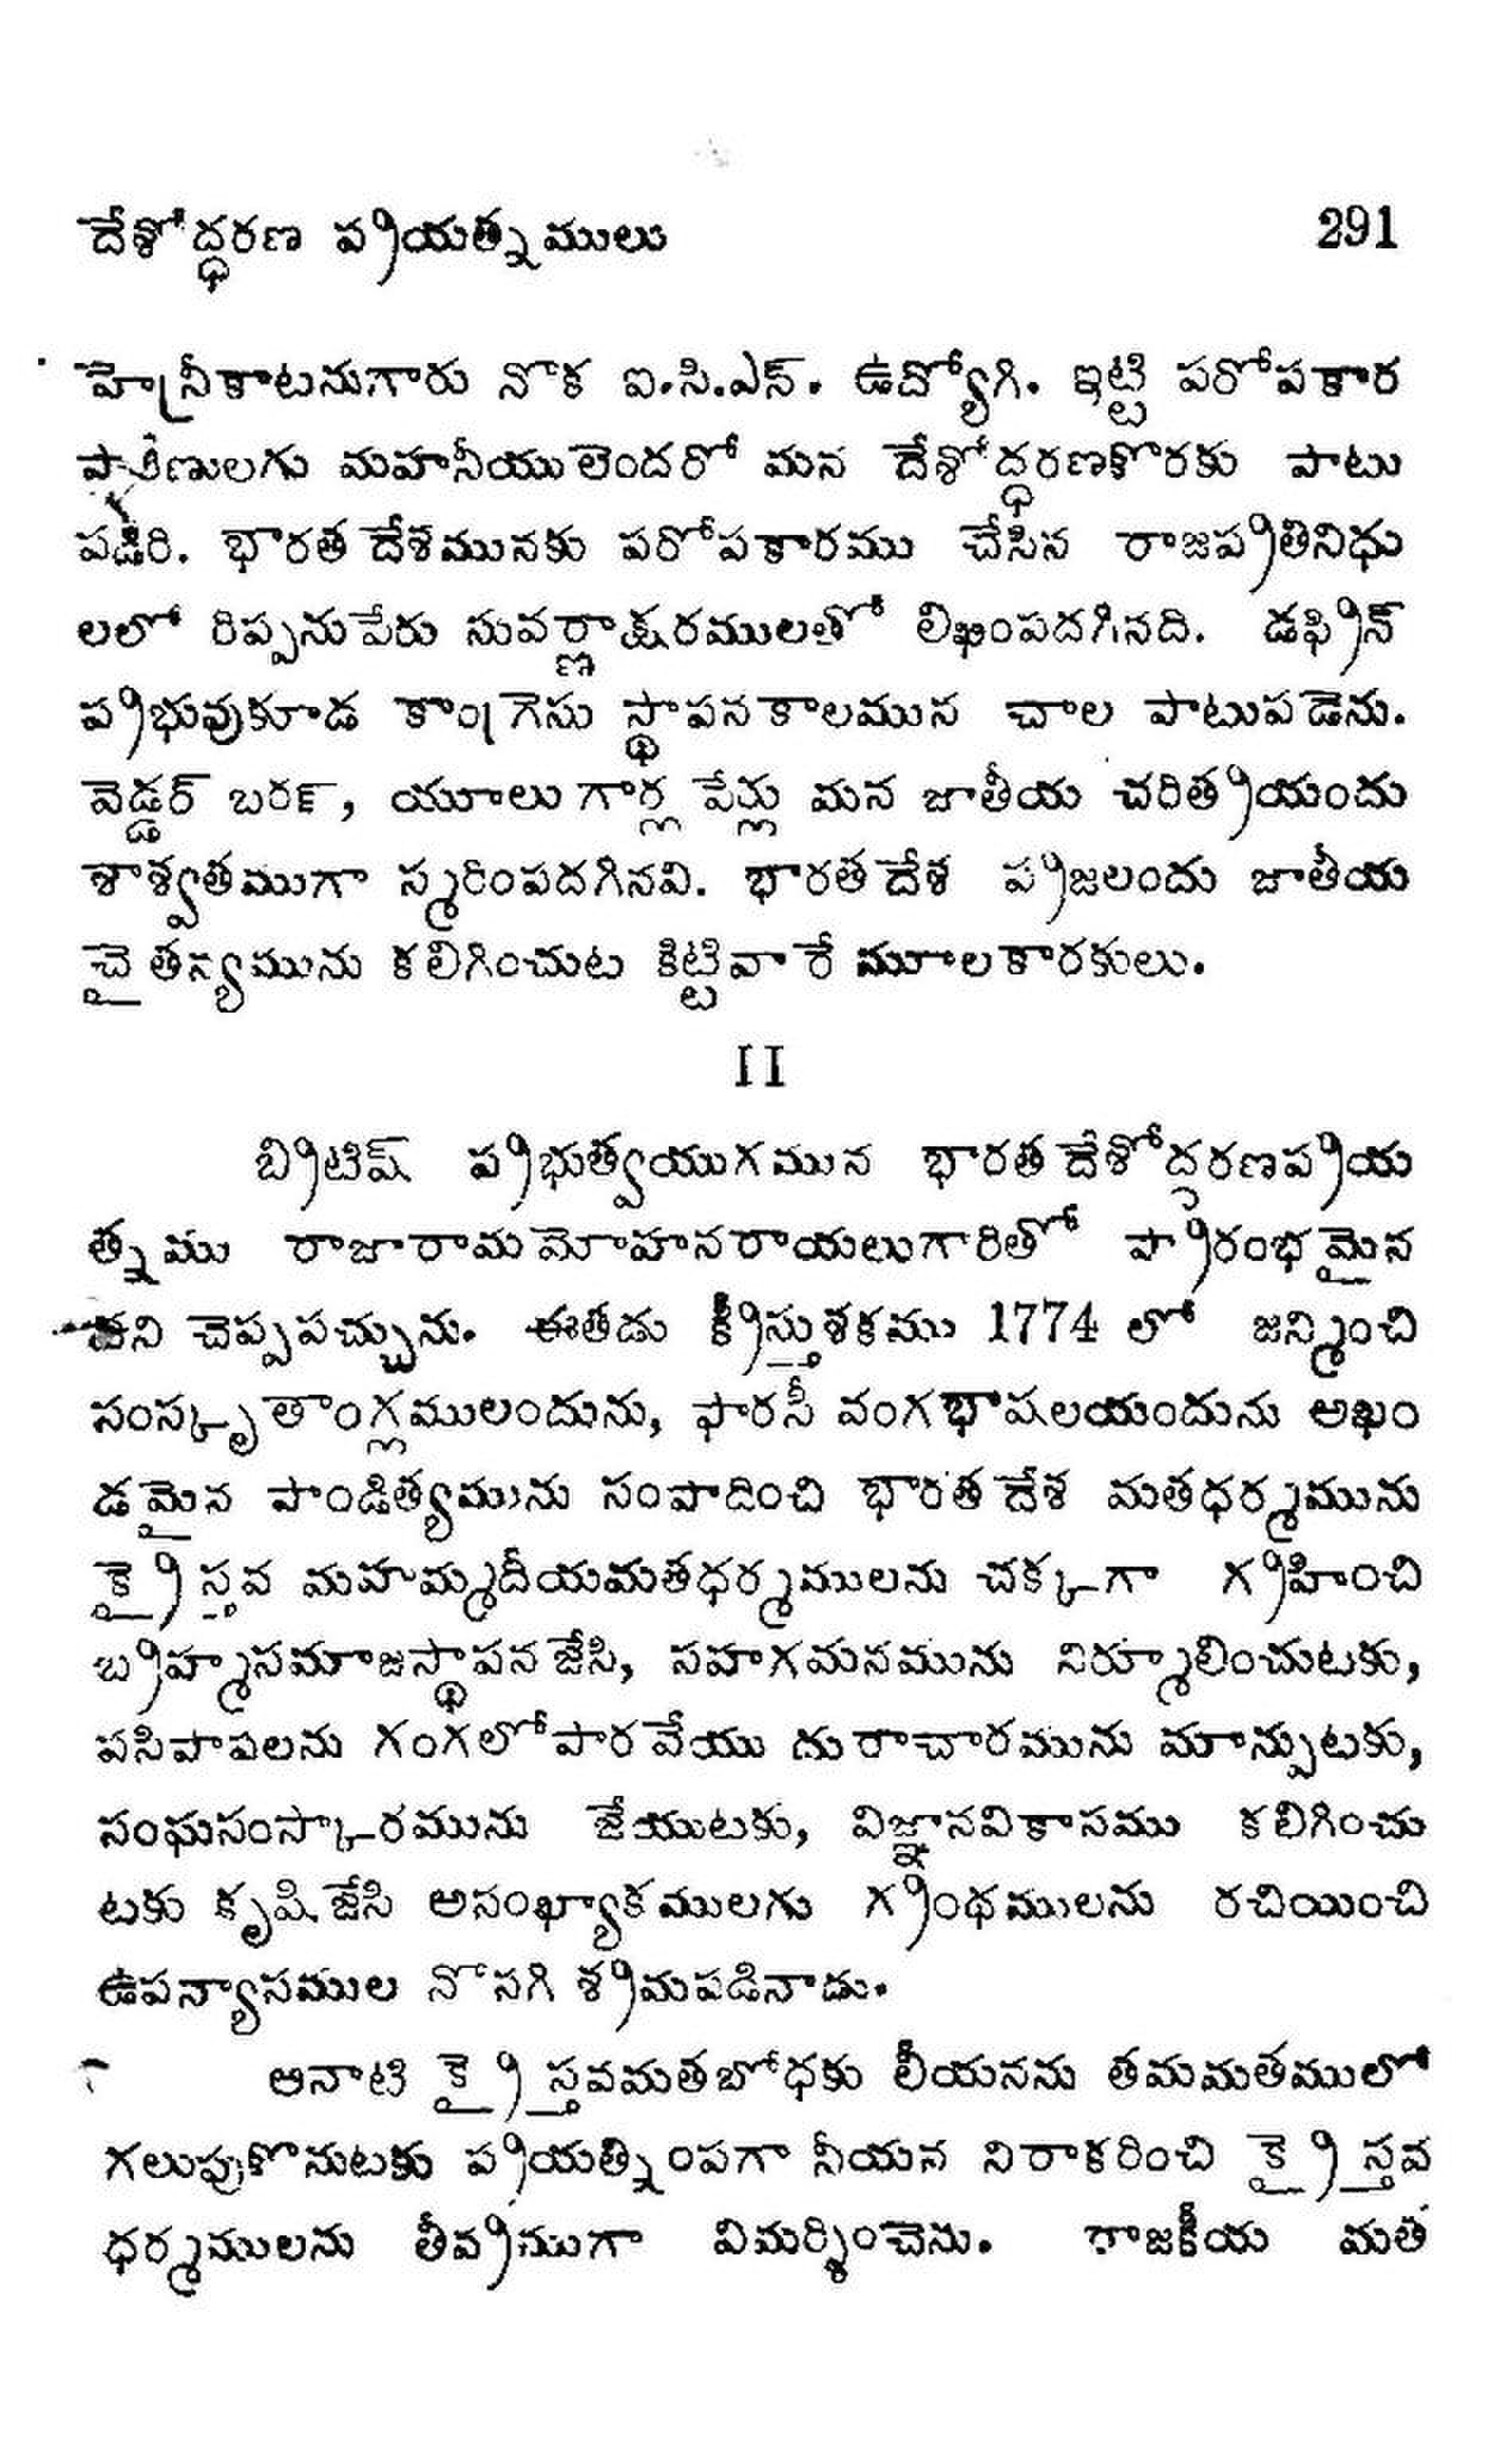హెన్రీకాటనుగారు నొక ఐ.సి.ఎస్ . ఉద్యోగి. ఇట్టి పరోపకార పారీణులగు మహనీయు లెందరో మన దేశోద్ధరణకొరకు పాటుపడిరి. భారతదేశమునకు పరోపకారము చేసిన రాజప్రతినిధులలో రిప్పనుపేరు సువర్ణాక్షరములతో లిఖింపదగినది. డఫ్రిన్ ప్రభువుకూడ కాంగ్రెసు స్థాపనకాలమున చాల పాటుపడెను. వెడ్డర్ బర౯, యూలుగార్ల పేర్లు మన జాతీయ చరిత్రయందు శాశ్వతముగా స్మరింపదగినవి. భారతదేశ ప్రజలందు జాతీయ చైతన్యమును కలిగించుట కిట్టివారే మూలకారకులు.

II

బ్రిటీష్ ప్రభుత్వయుగమున భారతదేశోద్ధరణప్రయత్నము రాజారామమోహనరాయలుగారితో ప్రారంభమైనదని చెప్పవచ్చును. ఈతడు క్రీస్తుశకము 1774 లో జన్మించి సంస్కృతాంగ్లములందును, ఫారసీ వంగభాషలయందును అఖండమైన పాండిత్యమును సంపాదించి భారతదేశ మతధర్మమును క్రైస్తవ మహమ్మదీయమతధర్మములను చక్కగా గ్రహించి బహ్మసమాజస్థాపనజేసి, సహగమనమును నిర్మూలించుటకు, పసిపాపలను గంగలో పారవేయు దురాచారమును మాన్పుటకు, సంఘసంస్కారమును జేయుటకు, విజ్ఞానవికాసము కలిగించుటకు కృషిజేసి అసంఖ్యాకములగు గ్రంథములను రచియించి ఉపన్యాసముల నొసగి శ్రమపడినాడు.

అనాటి క్రైస్తవమతబోధకు లీయనను తమమతములో గలుపుకొనుటకు ప్రయత్నింపగా నీయన నిరాకరించి క్రైస్తవ ధర్మములను తీవ్రముగా విమర్శించెను. రాజకీయ మత